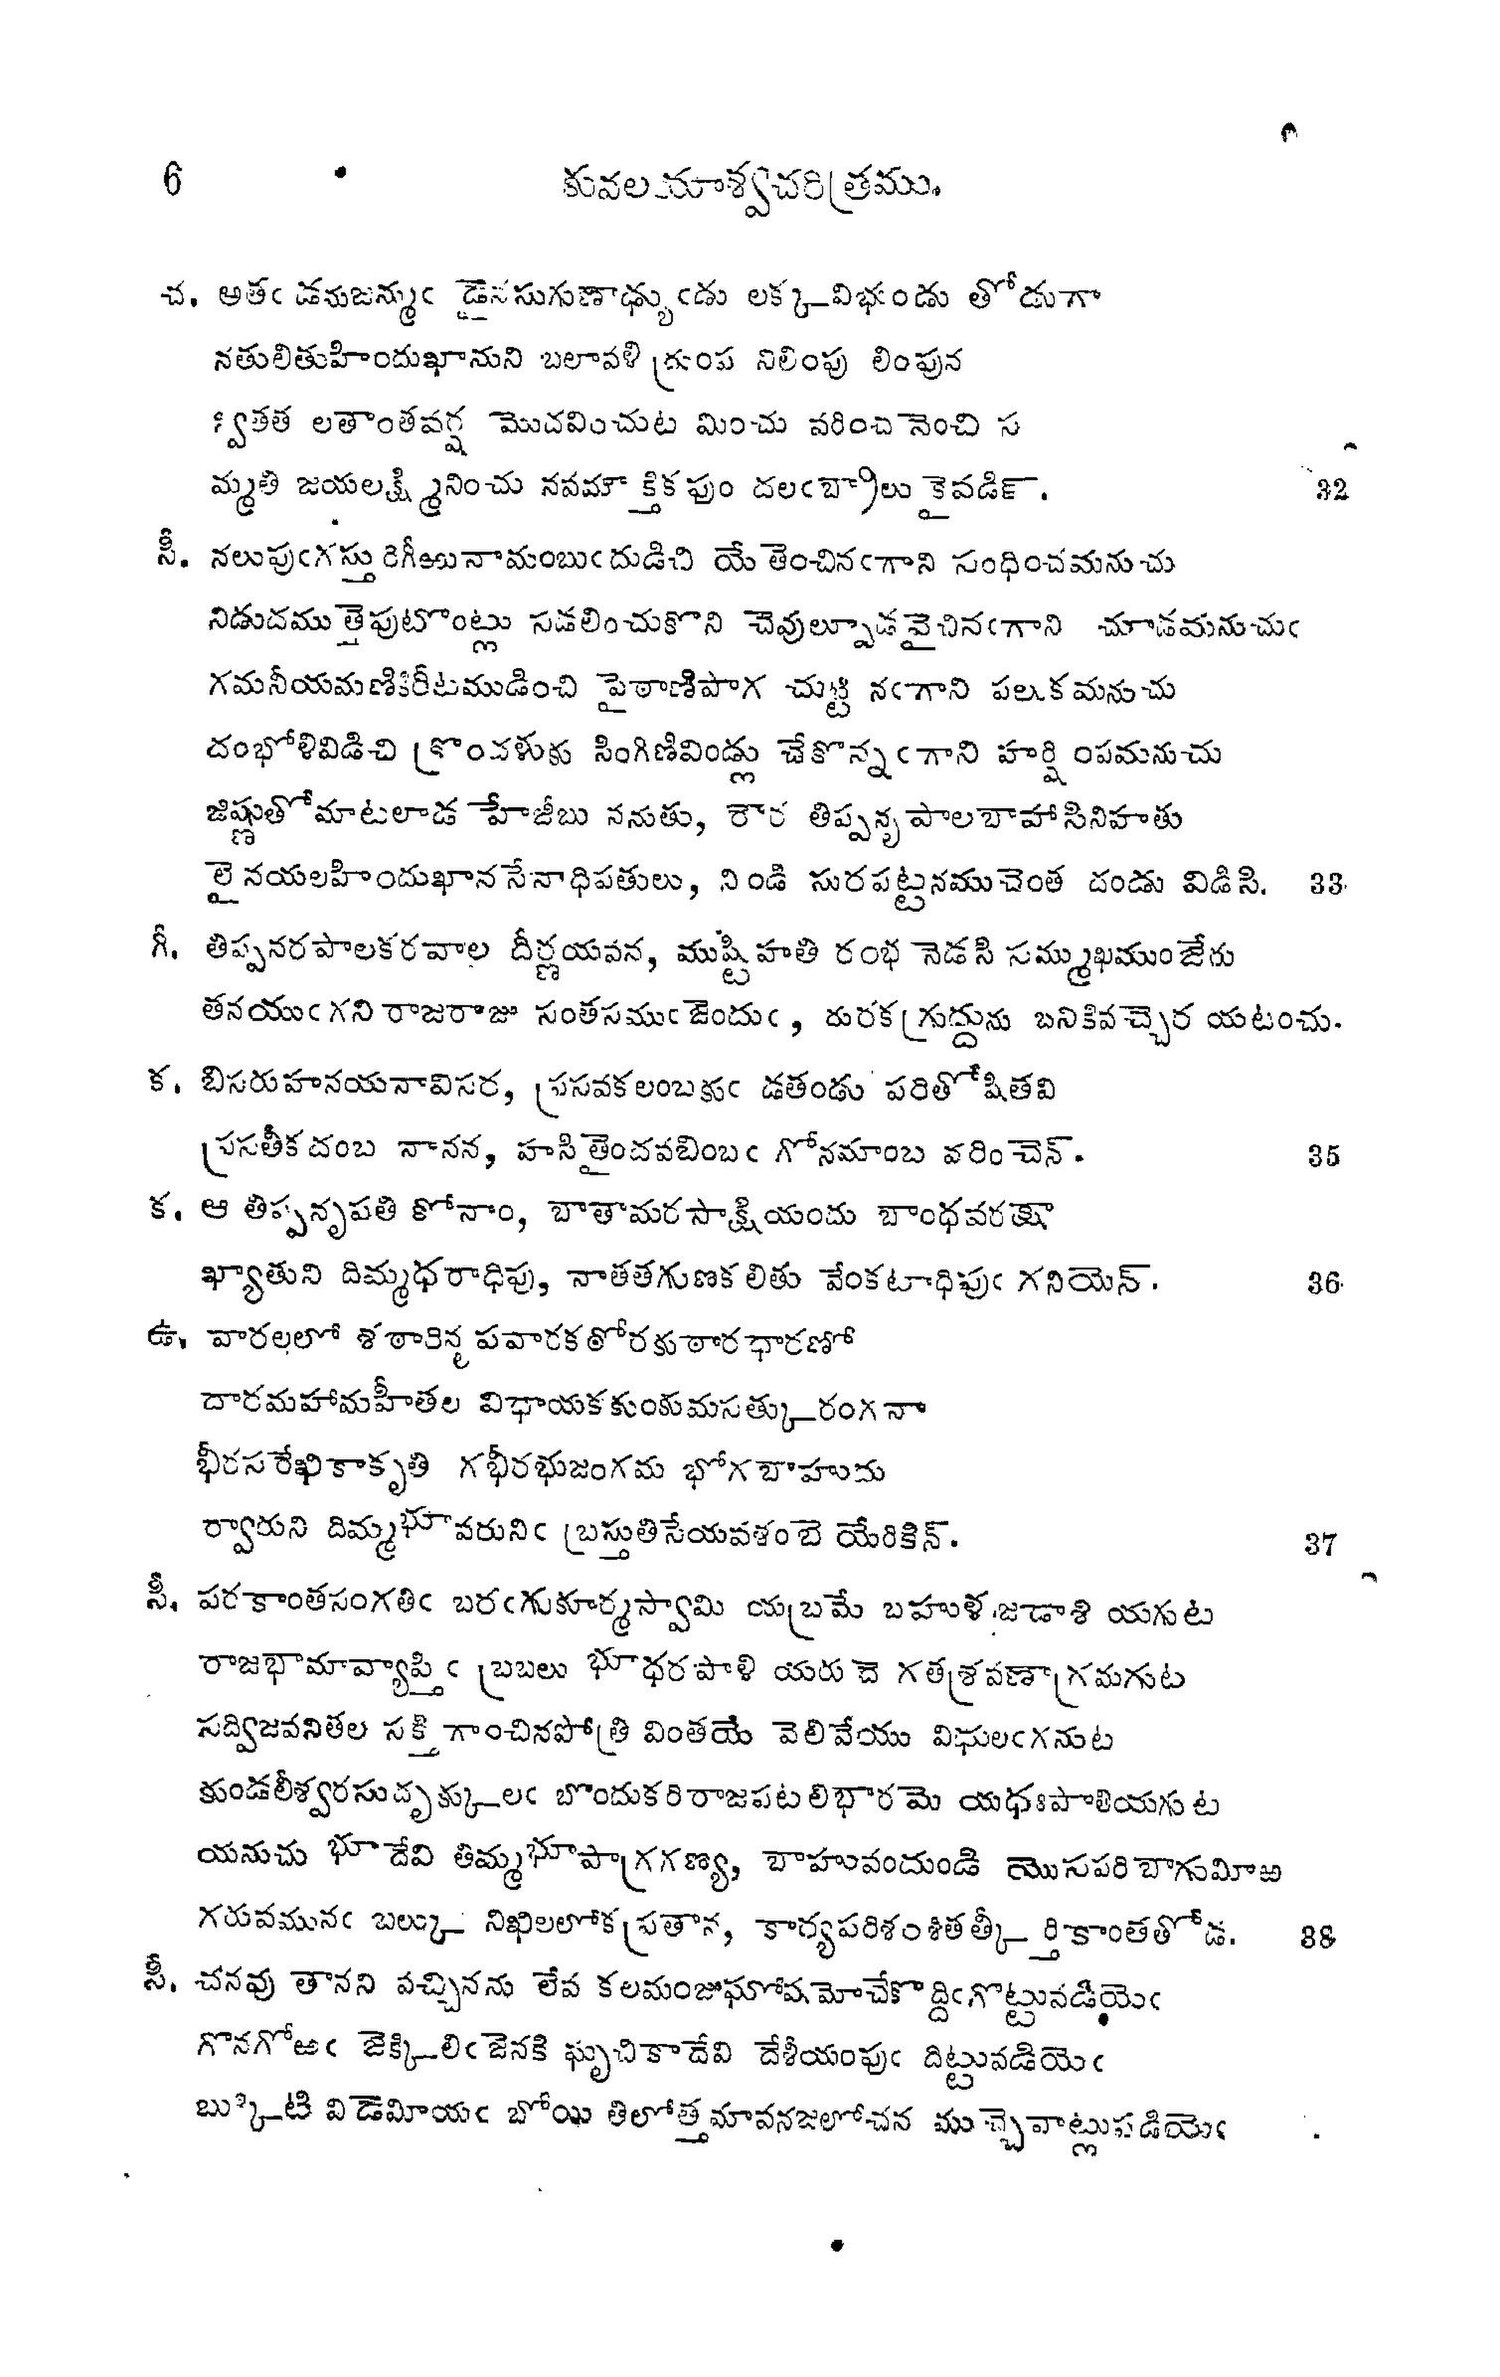చ. అతఁ డనుజన్ముఁ డైన సుగుణాఢ్యుఁడు లక్కవిభుండు తోడుగా
నతులితుహిందుఖానుని బలావళి ద్రుంప నిలింపు లింపున
న్వితతలతాంతవర్ష మొచవించుట మించు వరించ నెంచి స
మ్మతి జయలక్ష్మినించు నవమౌక్తికపుం దలఁబ్రాలు కైవడిన్.
సీ. నలుపుఁగస్తురిగీఱునామంబుఁ దుడిచి యేతెంచినఁగాని సంధించమనుచు
నిడుదముత్తెపుటొంట్లు సడలించుకొని చెవు ల్పూడవైచినఁగాని చూడమనుచుఁ
గమనీయమణికిరీటము డించి పైఠాణిపాగ చుట్టినఁగాని పలుకమనుచు
దంభోళి విడిచి క్రొండళుకు సింగిణివిండ్లు చేకొన్నఁగాని హర్షింపమనుచు
జిష్ణుతో మాటలాడ హేజీబు ననుతు, రౌర తిప్పనృపాలబాహాసినిహతు
లైనయలహిందుఖానసేనాధిపతులు, నిండి సురపట్టనముచెంత దండు విడిసి.
గీ. తిప్పనరపాలకరవాలదీర్ణయవన, ముష్టిహతి రంభ నెడసి సమ్ముఖముం జేగు
తనయుఁ గని రాజరాజు సంతసముఁ జెందుఁ, దురకగ్రుద్దును బనికివచ్చెర యటంచు.
క. బిసరుహనయనావిసర, ప్రసవకలంబకుఁ డతండు పరితోషితవి
ప్రసతీకదంబనానన, హసితైందవబింబఁ గోనమాంబ వరించెన్.
క. ఆ తిప్పనృపతి కోనాం, బాతామరసాక్షియందు బాంధవరక్షా
ఖ్యాతుని దిమ్మధరాధిపు, నాతతగుణకలితు వేంకటాధిపుఁ గనియెన్.
ఉ. వారలలో శఠారినృపవారకఠోరకుఠారధారణో
దారమహామహీతలవిధాయకకుంకుమసత్కురంగనా
భీరసరేఖికాకృతి గభీరభుజంగమభోగబాహుదు
ర్వారుని దిమ్మభూవరునిఁ బ్రస్తుతి సేయ వశంబె యేరికిన్.
సీ. పరకాంతసంగతిఁ బరఁగుకూర్మస్వామి యబ్రమే బహుళజడాశి యగుట
రాజభామ వ్యాప్తిఁ బ్రబలు భూధరపాళి యరుదె గతశ్రవణాగ్ర మగుట
సద్విజవనితల సక్తి గాంచినపోత్రి వింతయే వెలివేయు విధులఁ గనుట
కుండలీశ్వరసుదృక్కులఁ బొందుకరిరాజపటలిభారమె యధఃపాలి యగుట
యనుచు భూదేవి తిమ్మభూపాగ్రగణ్య, బాహువం దుండి యొసపరిబాగుమీఱ
గరువమునఁ బల్కు నిఖిలలోక ప్రతాన, కార్యపరిశంశితత్కీర్తికాంతతోడ.
సీ. చనవు తానని వచ్చినను లేవ కలమంజుఘోష మోచేకొద్దిఁ గొట్టువడియెఁ
గొనగోఱఁ జెక్కిలిఁ జెనకి ఘృచికాదేవి దేశీయంపుఁ దిట్టువడియెఁ
బుక్కిటివిడె మీయఁబోయి తిలోత్తమావనజలోచన ముచ్చెవాట్లుపడియెఁ